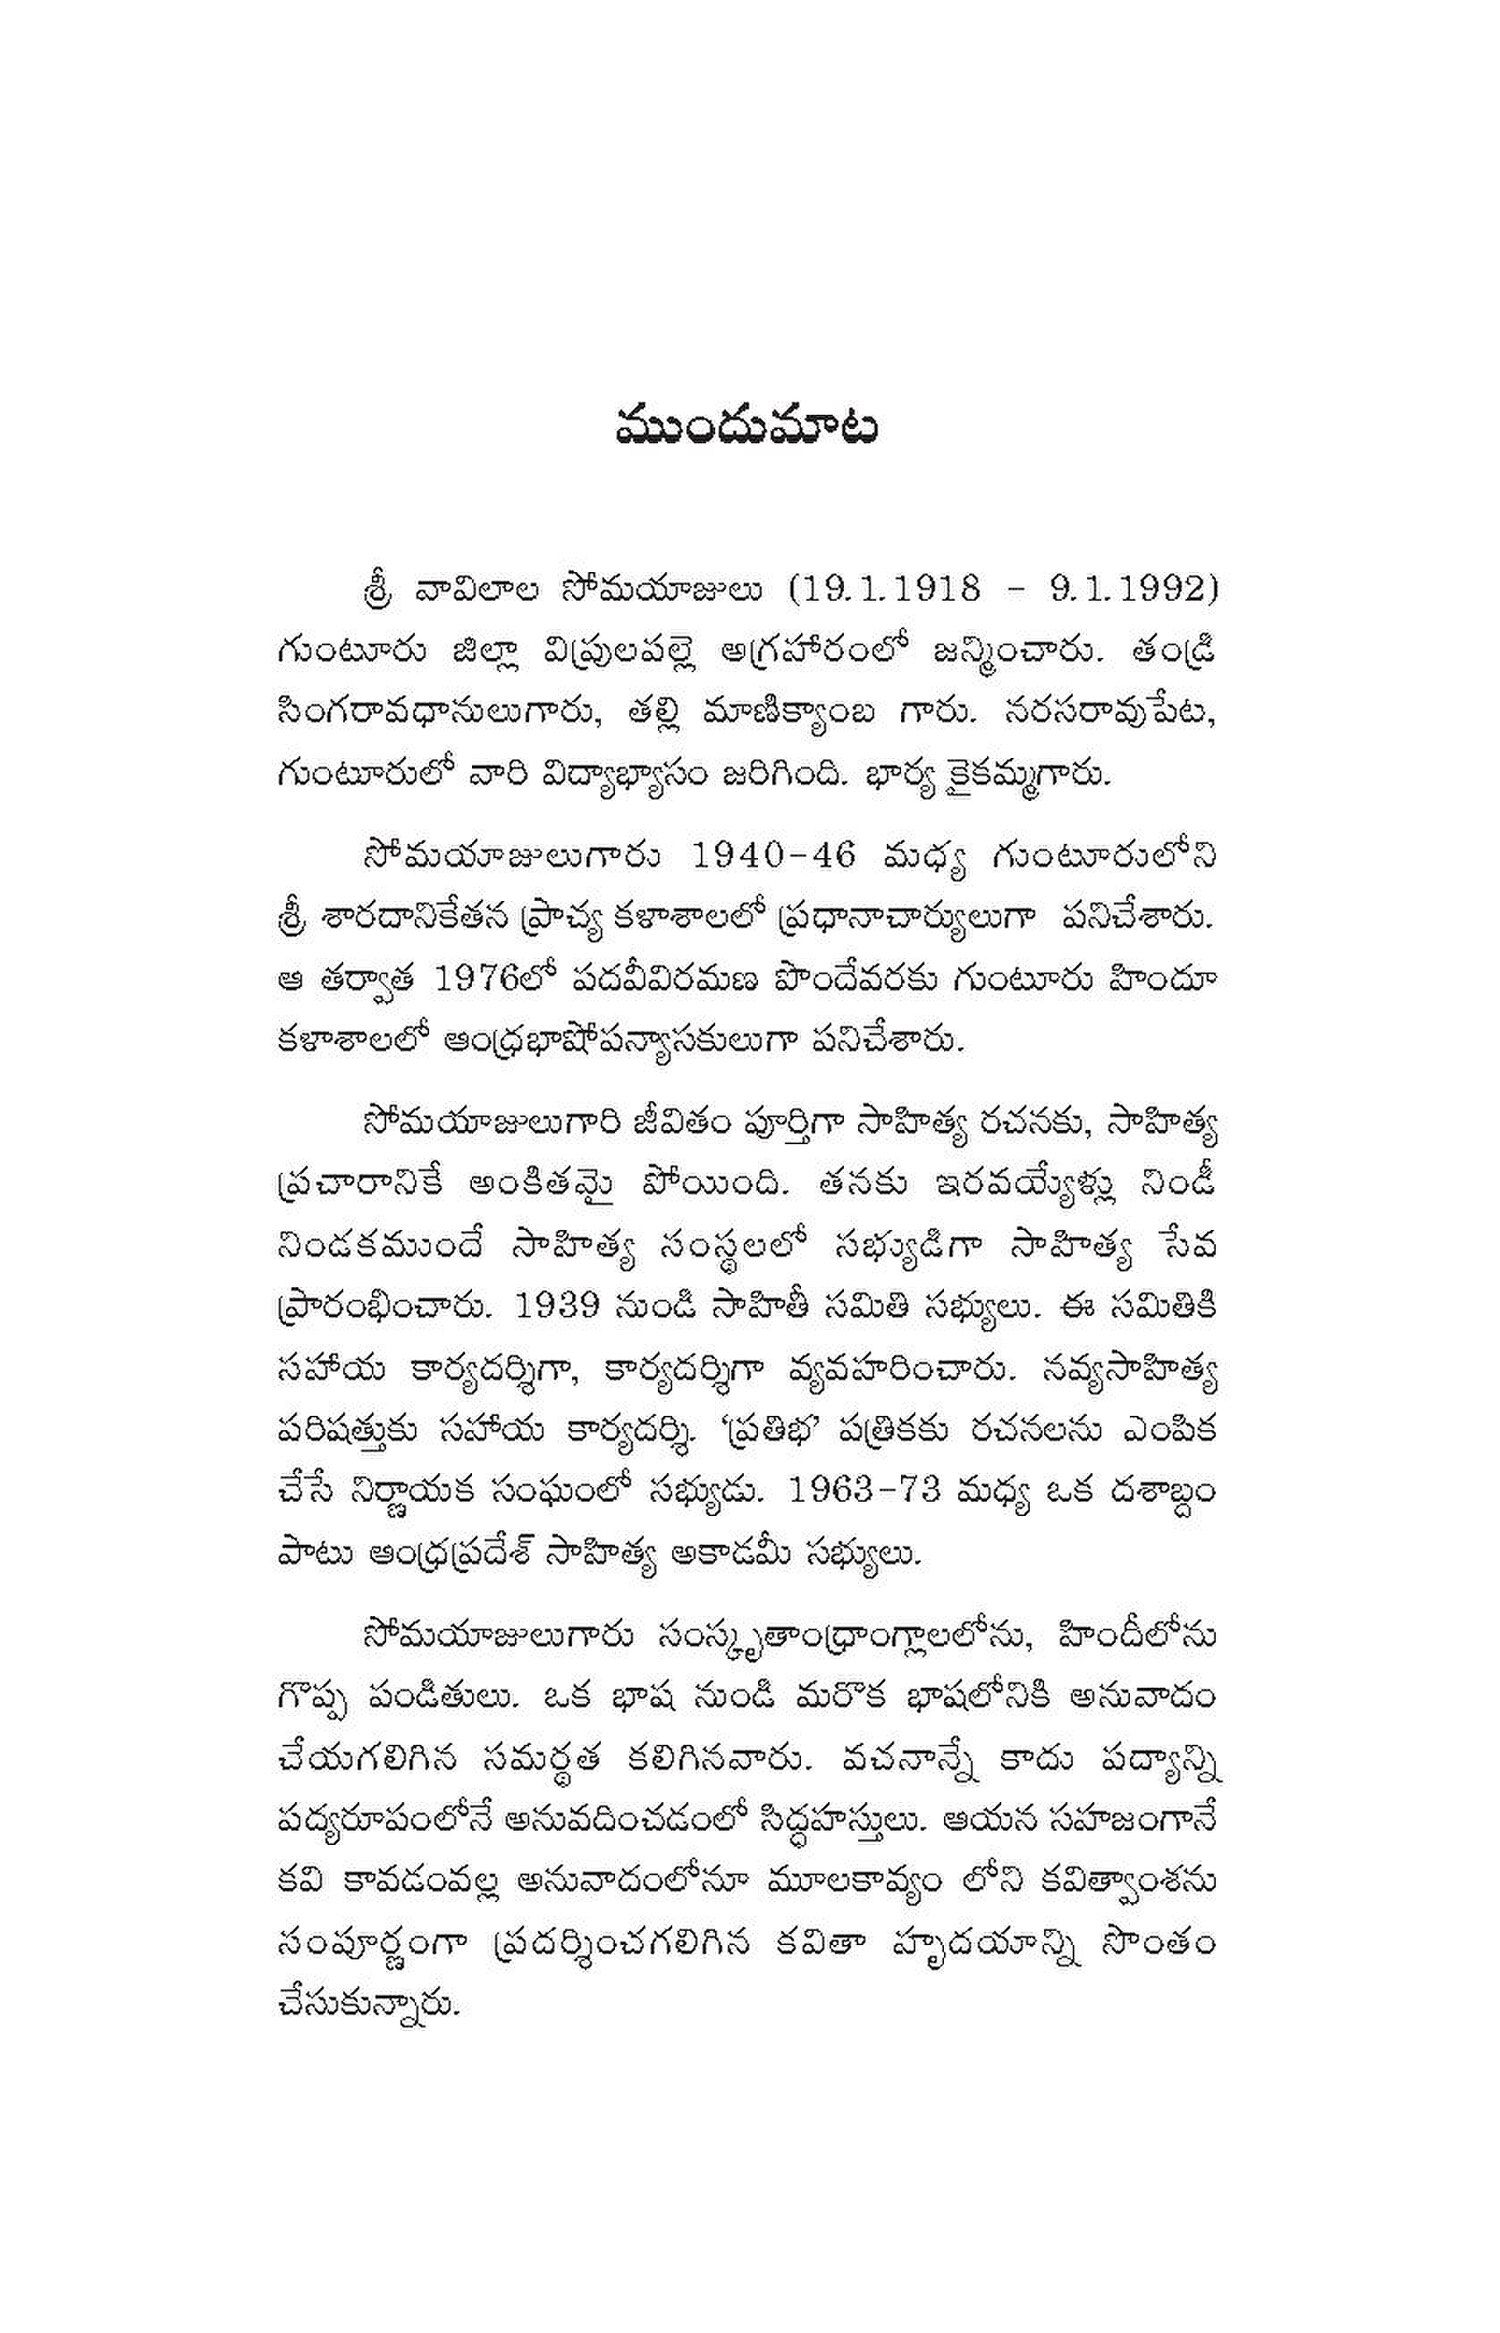శ్రీ వావిలాల సోమయాజులు (19.1.1918 - 9.1.1992) గుంటూరు జిల్లా విప్రులవల్లె అగ్రహారంలో జన్మించారు. తండ్రి సింగరావధానులుగారు, తల్లి మాణిక్యాంబ గారు. నరసరావుపేట, గుంటూరులో వారి విద్యాభ్యాసం జరిగింది. భార్య కైకమ్మగారు.

సోమయాజులుగారు 1940-46 మధ్య గుంటూరులోని శ్రీ శారదానికేతన ప్రాచ్య కళాశాలలో ప్రధానాచార్యులుగా పనిచేశారు. ఆ తర్వాత 1976లో పదవీవిరమణ పొందేవరకు గుంటూరు హిందూ కళాశాలలో అంధ్రభాషోపన్యాసకులుగా పనిచేశారు.

సోమయాజులుగారి జీవితం పూర్తిగా సాహిత్య రచనకు, సాహిత్య ప్రచారానికే అంకితమై పోయింది. తనకు ఇరవయ్యేళ్లు నిండీ నిండకముందే సాహిత్య నంస్థలలో సభ్యుడిగా సాహిత్య సేవ ప్రారంభించారు. 1939 నుండి సాహితీ సమితి సభ్యులు. ఈ సమితికి సహాయ కార్యదర్శిగా, కార్యదర్శిగా వ్యవహరించారు. నవ్యసాహిత్య పరిషత్తుకు సహాయ కార్యదర్శి. “ప్రతిభా పత్రికకు రచనలను ఎంపిక చేసే నిర్జాయక సంఘంలో సభ్యుడు. 1963-78 మధ్య ఒక దశాబ్దం పాటు ఆంధ్రప్రదేశ్‌ సాహిత్య అకాడమీ సభ్యులు.

సోమయాజులుగారు సంస్కృతాంధ్రాంగ్లాలలోను, హిందీలోను గొప్ప పండితులు. ఒక భాష నుండి మరొక భాషలోనికి అనువాదం చేయగలిగిన సమర్థత కలిగినవారు. వచనాన్నే కాదు పద్యాన్ని పద్యరూపంలోనే అనువదించడంలో సిద్ధహస్తులు. ఆయన సహజంగానే కవి కావడంవల్ల అనువాదంలోనూ మూలకావ్యం లోని కవిత్వాంశను నంపూర్ణంగా ప్రదర్శించగలిగిన కవితా హృదయాన్ని సొంతం చేసుకున్నారు.